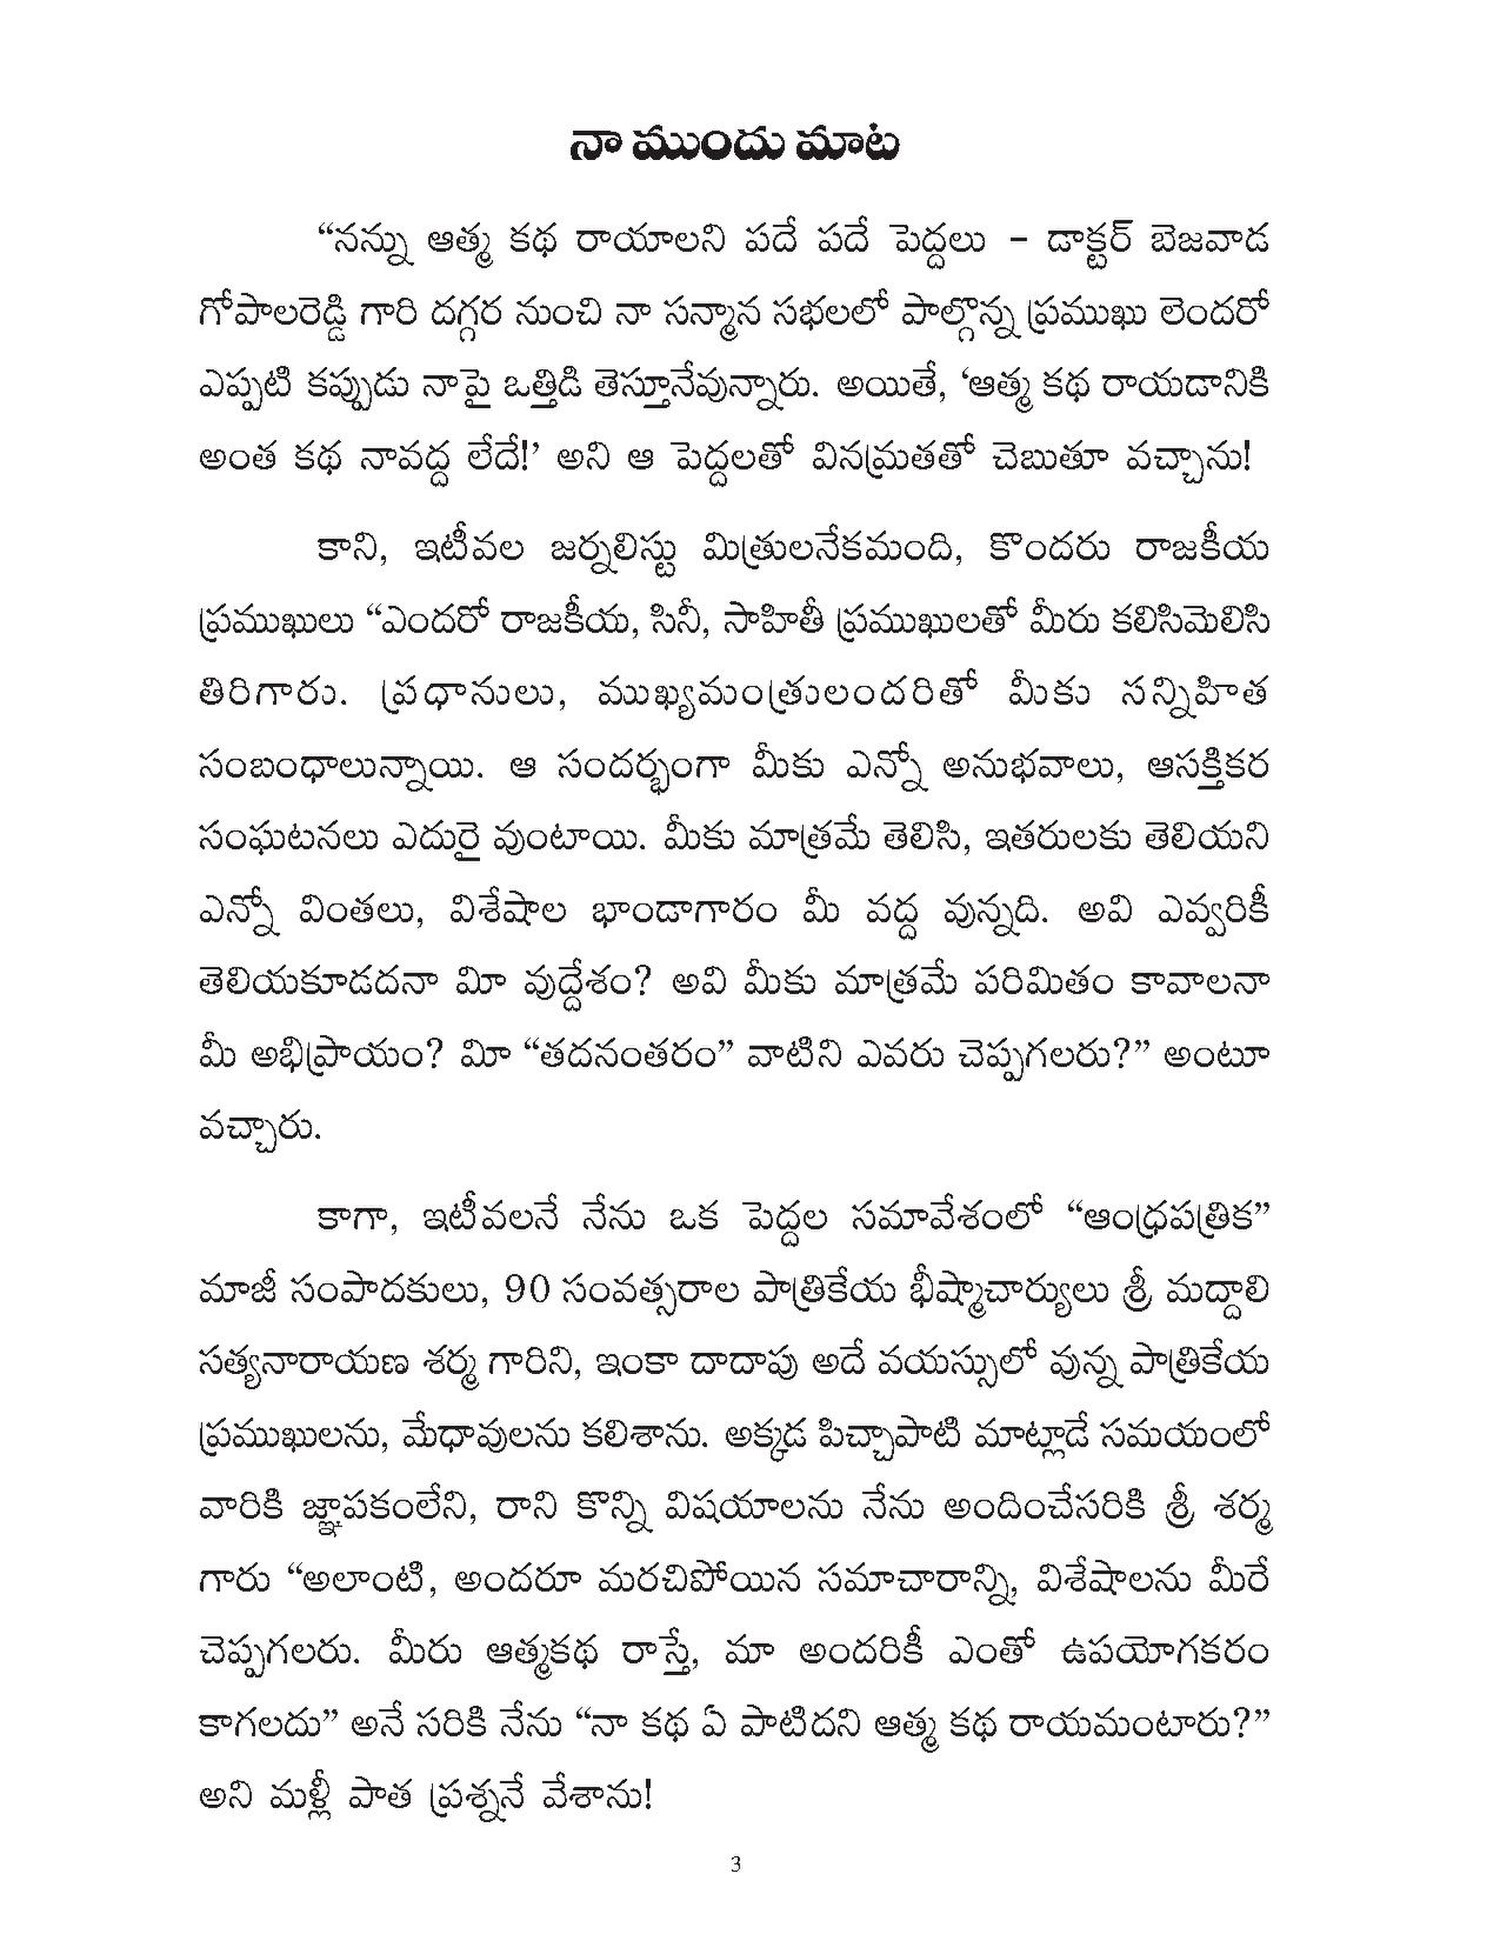"నన్ను ఆత్మ కథ రాయాలని పదే పదే పెద్దలు - డాక్టర్‌ బెజవాడ
గోపాలరెడ్డి గారి దగ్గర నుంచి నా సన్మాన సభలలో పాల్గొన్న ప్రముఖు లెందరో
ఎప్పటి కప్పుడు నాపై ఒత్తిడి తెస్తూనేవున్నారు. అయితే, 'ఆత్మ కథ రాయడానికి
అంత కథ నావద్ద లేదే!' అని ఆ పెద్దలతో వినమ్రతతో చెబుతూ వచ్చాను!

కాని, ఇటీవల జర్నలిస్టు మిత్రులనేకమంది, కొందరు రాజకీయ
ప్రముఖులు "ఎందరో రాజకీయ, సినీ, సాహితీ ప్రముఖులతో మీరు కలిసిమెలిసి
తిరిగారు. ప్రధానులు, ముఖ్యమంత్రులందరితో మీకు సన్నిహిత
సంబంధాలున్నాయి. ఆ సందర్భంగా మీకు ఎన్నో అనుభవాలు, ఆసక్తికర
సంఘటనలు ఎదురై వుంటాయి. మీకు మాత్రమే తెలిసి, ఇతరులకు తెలియని
ఎన్నో వింతలు, విశేషాల భాండాగారం మీ వద్ద వున్నది. అవి ఎవ్వరికీ
తెలియకూడదనా మీ వుద్దేశం? అవి మీకు మాత్రమే పరిమితం కావాలనా
మీ అభిప్రాయం? మీ "తదనంతరం" వాటిని ఎవరు చెప్పగలరు?" అంటూ
వచ్చారు.

కాగా, ఇటీవలనే నేను ఒక పెద్దల సమావేశంలో "ఆంధ్రపత్రిక"
మాజీ సంపాదకులు, 90 సంవత్సరాల పాత్రికేయ భీష్మాచార్యులు శ్రీ మద్దాలి
సత్యనారాయణ శర్మ గారిని, ఇంకా దాదాపు అదే వయస్సులో వున్న పాత్రికేయ
ప్రముఖులను, మేధావులను కలిశాను. అక్కడ పిచ్చాపాటి మాట్లాడే సమయంలో
వారికి జ్ఞాపకంలేని, రాని కొన్ని విషయాలను నేను అందించేసరికి శ్రీ శర్మ
గారు "అలాంటి, అందరూ మరచిపోయిన సమాచారాన్ని, విశేషాలను మీరే
చెప్పగలరు. మీరు ఆత్మకథ రాస్తే, మా అందరికీ ఎంతో ఉపయోగకరం
కాగలదు" అనే సరికి నేను " నా కథ ఏ పాటిదని ఆత్మ కథ రాయమంటారు?"
అని మళ్లీ పాత ప్రశ్ననే వేశాను!